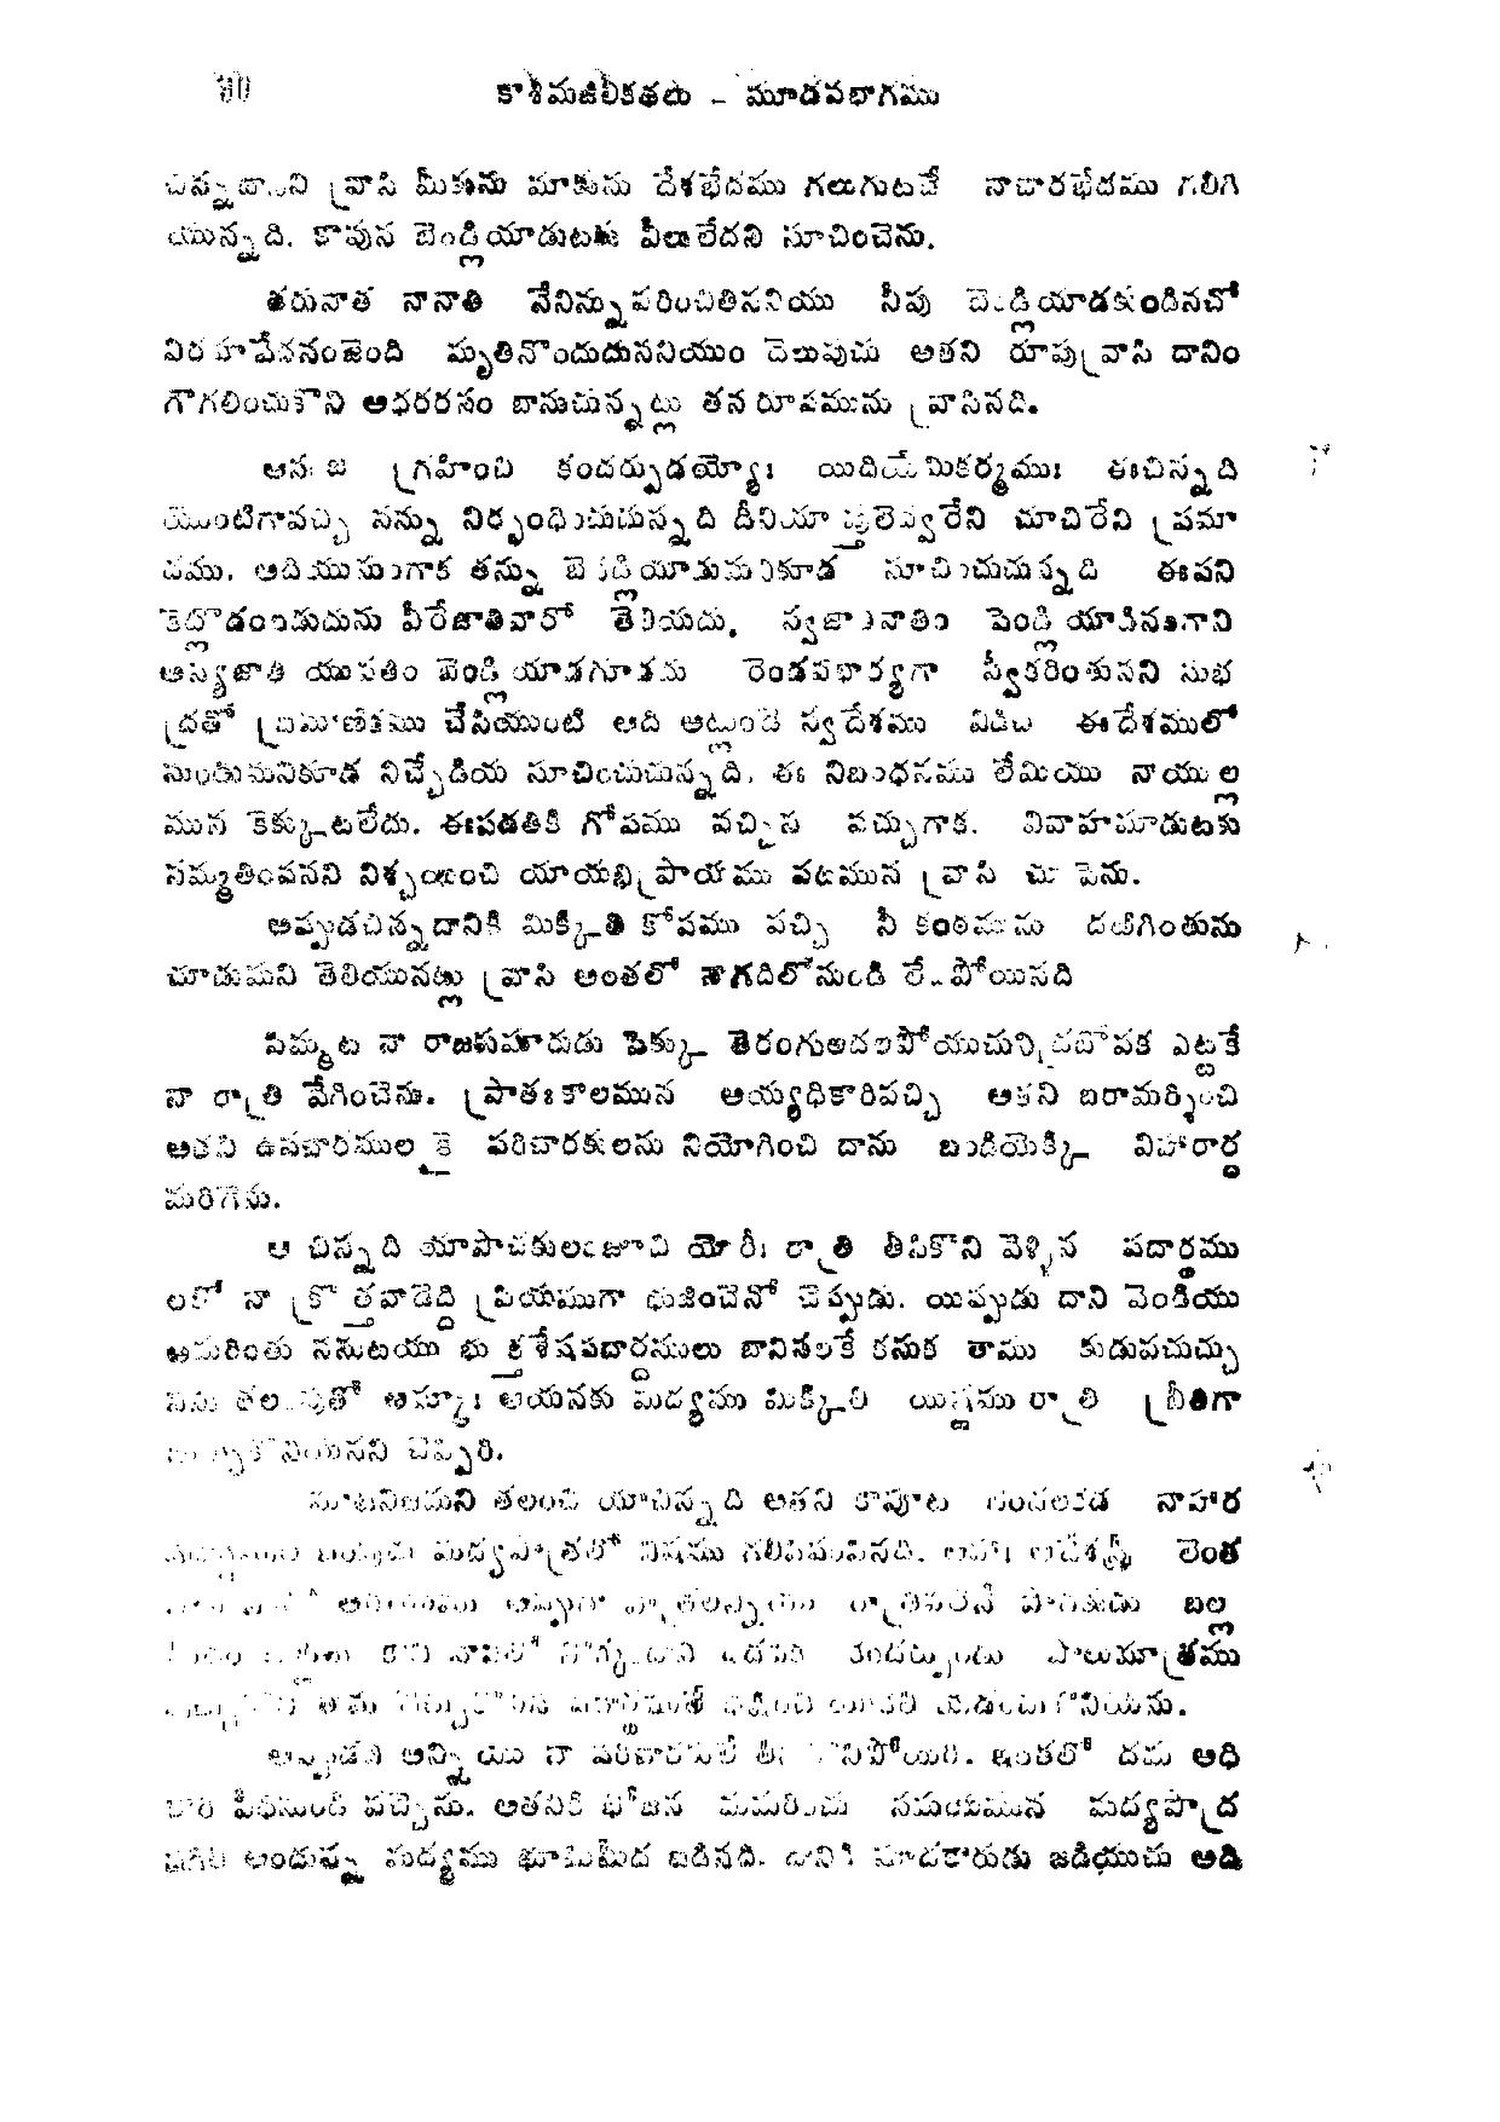చిన్నదానిని వ్రాసి మీకును మాకును దేశభేదము గలుగుటచే నాచారభేదము గలిగి యున్నది. కావున బెండ్లియాడుటకు వీలులేదని సూచించెను.

తరువాత నానాతి నే నిన్నువరించితిననియు నీవు బెండ్లియాడకుండినచో విరహవేదనంజెంది మృతినొందుదుననియుం దెలుపుచు అతని రూపు వ్రాసి దానిం గౌగలించుకొని అధరరసం బానుచున్నట్లు తన రూపమును వ్రాసినది.

ఆసంజ్ఞ గ్రహించి కందర్పుడయ్యో! యిదియేమికర్మము? ఈచిన్నది యొంటిగావచ్చి నన్ను నిర్భంధించుచున్నది దీనియాప్తు లెవ్వరేని చూచిరేని ప్రమాదము. అదియునుంగాక తన్ను బెండ్లియాడుమనికూడ సూచించుచున్నది ఈపని కెట్లొడంబడుదును వీరేజాతివారో తెలియదు. స్వజాతినాతిం పెండ్లి యాడినంగాని అన్యజాతి యువతిం బెండ్లియాడగూడదు రెండవభార్యగా స్వీకరింతునని సుభద్రతో బ్రమాణికము చేసియుంటి అది అట్లుండె స్వదేశము విడిచి ఈదేశములో
నుండుమనికూడ నిచ్చేడియ సూచించుచున్నది. ఈ నిబంధనము లేమియు నాయుల్లమున కెక్కుటలేదు. ఈపడతికి గోపము వచ్చిన వచ్చుగాక. వివాహమాడుటకు సమ్మతింపనని నిశ్చయించి యాయభిప్రాయము పటమున వ్రాసి చూపెను.

అప్పుడచిన్నదానికి మిక్కిలి కోపము వచ్చి నీ కంఠమును దఱిగింతును చూడుమని తెలియునట్లు వ్రాసి అంతలో నాగదిలోనుండి లేచిపోయినది

పిమ్మట నా రాజకుమారుడు పెక్కు తెరంగులదలపోయుచునిద్రబోవక ఎట్టకే నా రాత్రి వేగించెను. ప్రాతఃకాలమున అయ్యధికారివచ్చి అతని బరామర్శించి అతని ఉపచారములకై పరిచారకులను నియోగించి దాను బండియెక్కి విహారార్థ మరిగెను.

ఆ చిన్నది యాపాచకులంజూచి యోరీ! రాత్రి తీసికొని వెళ్ళిన పదార్థములలో నా క్రొత్తవాడెద్ది ప్రియముగా భుజించెనో చెప్పుడు. యిప్పుడు దాని వెండియు అమరింతు ననుటయు భుక్తశేషపదార్ధములు బానిసలకే కనుక తాము కుడువచుచ్చు నను తలంపుతో అమ్మా! ఆయనకు మద్యము మిక్కిలి యిష్టము రాత్రి బ్రీతిగా బుచ్చుకొనియెనని చెప్పిరి.

మాటనిజమని తలంచి యాచిన్నది అతని కాపుట బెందలకడ నాహారపదార్థముల బంపుచు మద్యపాత్రలో విషము గలిపినది. ఆహా! ఆదేశస్త్రీ లెంతధూర్తులో. అసమ్మతము తప్పునా. పాత్రలన్నియు రాత్రివలెనే పావకుడు బల్లమీద పెట్టెను కాని వానిలో నొక్కదాని దడవక కందర్పుడు పాలు మాత్రము
ముట్టుకొని తాను తెచ్చుకొన్న పదార్థములే భుజించి యాకలి నడంచుకొనియెను.

అప్పుడవి అన్నియు నాపరిచారకులే తీసికొనిపోయిరి ఇంతలో దమ అధికారి వీథినుండి వచ్చెను. అతనికి భోజన మమరించు సమయమున మద్యపాత్ర పగిలి అందున్న మద్యము భూమిమీద బడినది. దానికి మాదకారుడు జడియుచు అది